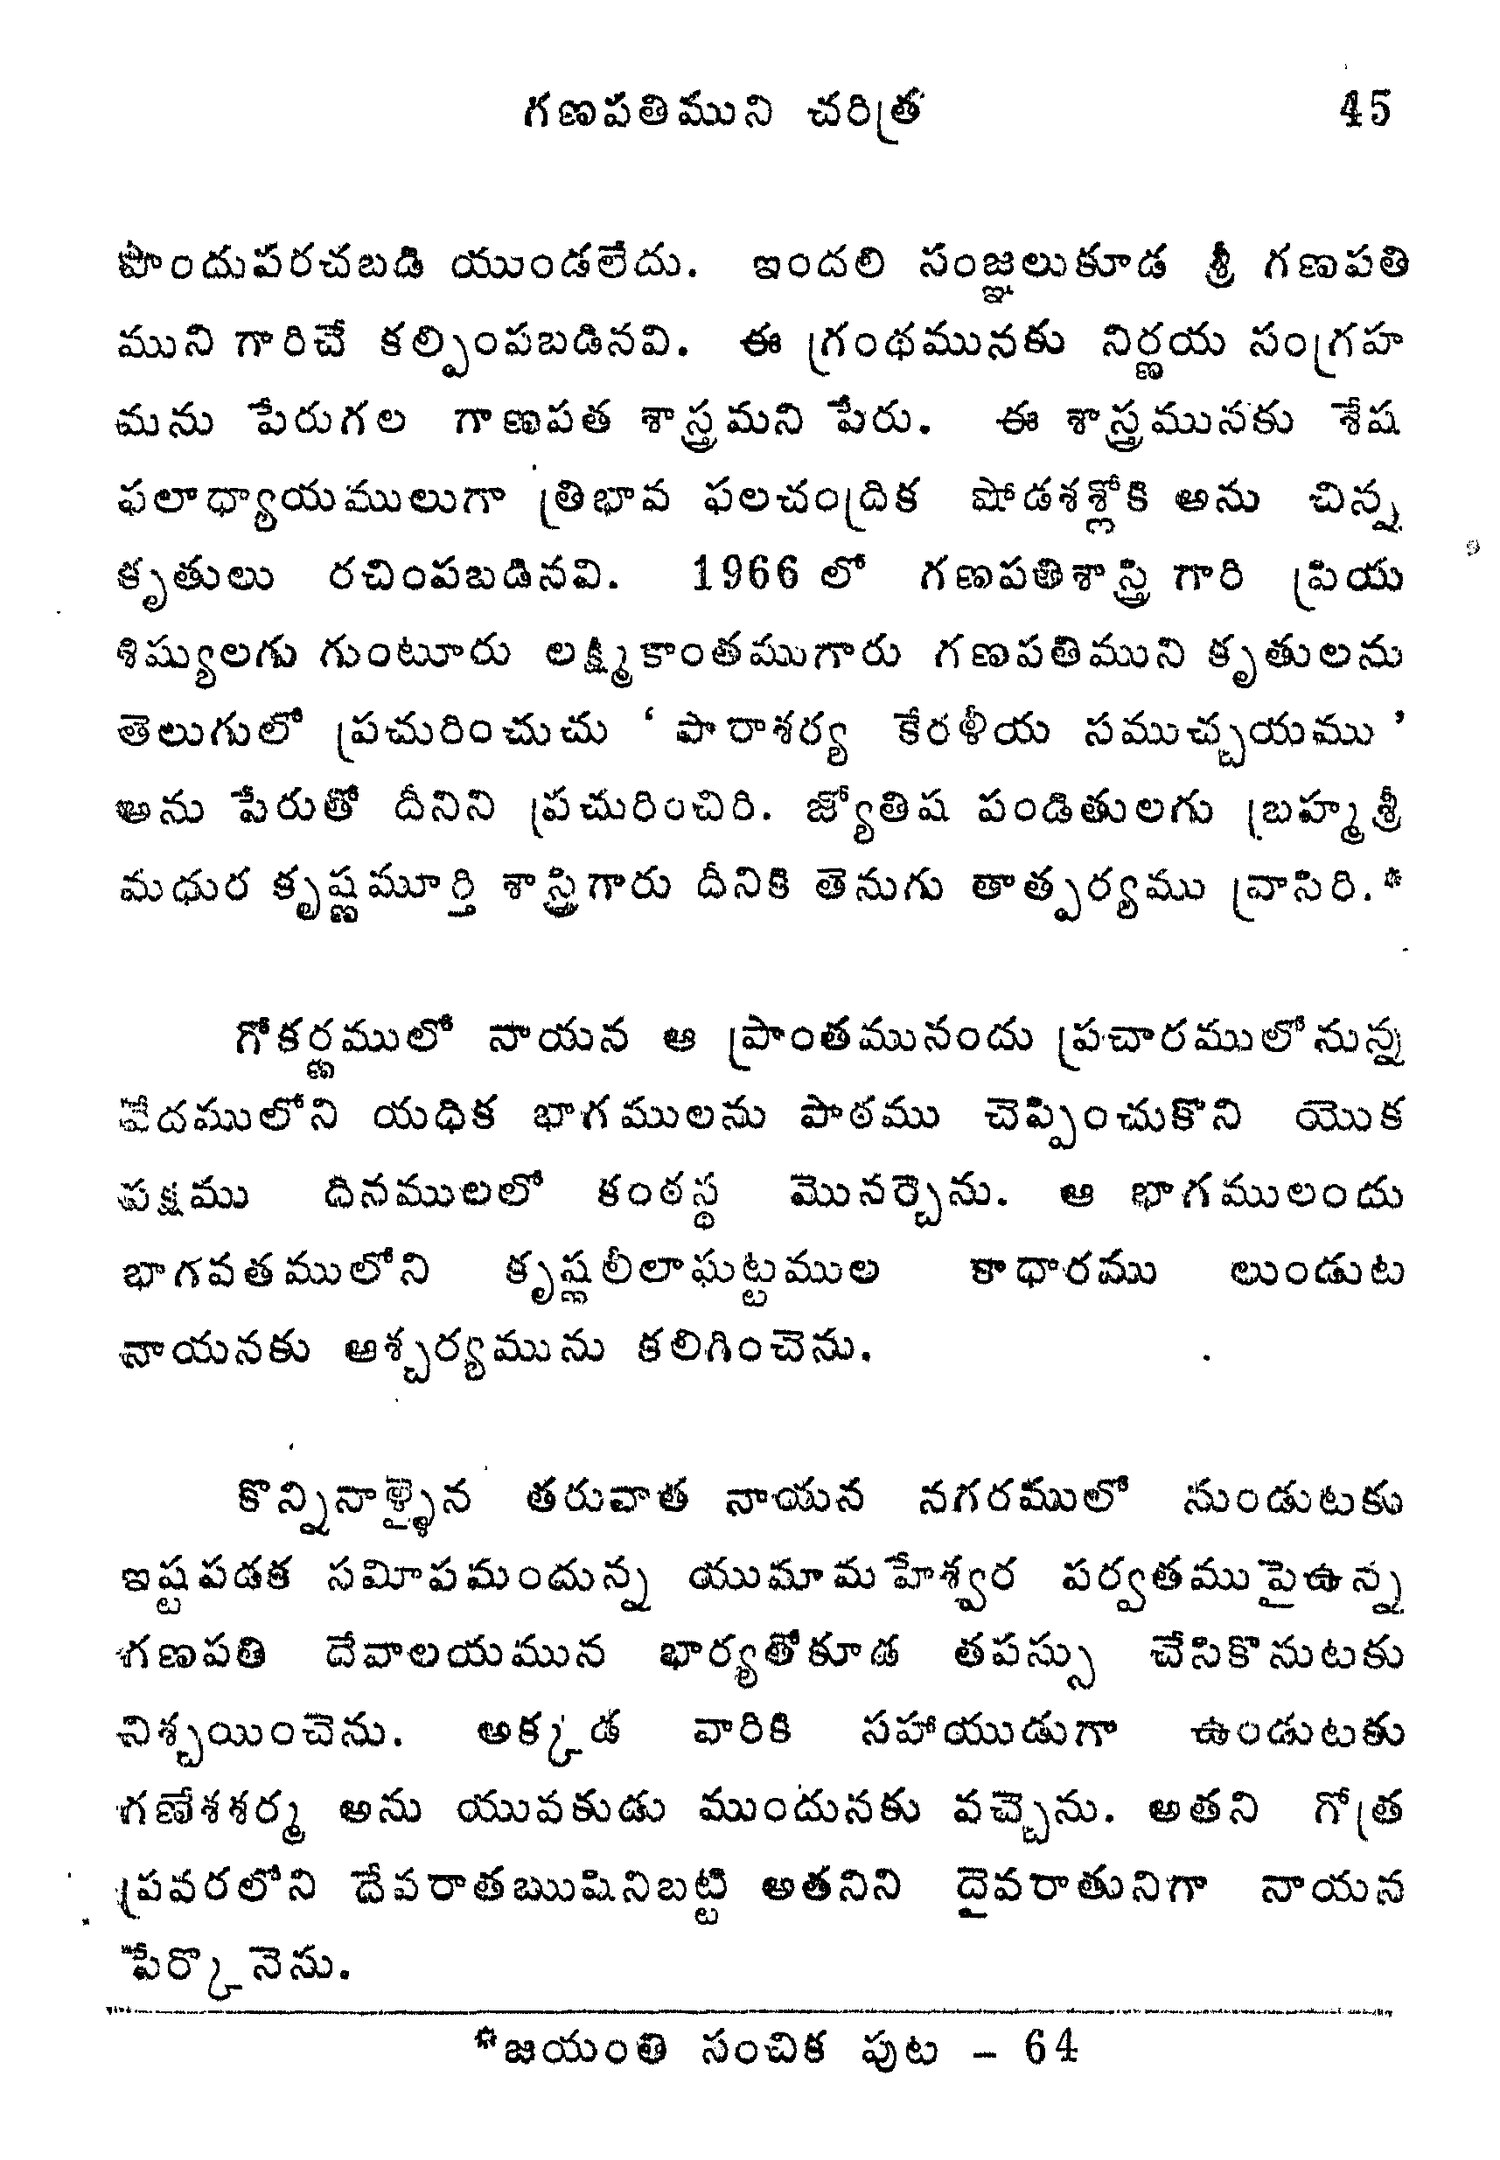పొందుపరచబడి యుండలేదు. ఇందలి సంజ్ఞలుకూడ శ్రీ గణపతి ముని గారిచే కల్పింపబడినవి. ఈ గ్రంథమునకు నిర్ణయ సంగ్రహ మను పేరుగల గాణపత శాస్త్రమని పేరు. ఈ శాస్త్రమునకు శేష ఫలాధ్యాయములుగా త్రిభావ ఫలచంద్రిక షోడశశ్లోకి అను చిన్న కృతులు రచింపబడినవి. 1966లో గణపతిశాస్త్రి గారి ప్రియ శిష్యులగు గుంటూరు లక్ష్మీకాంతముగారు గణపతిముని కృతులను తెలుగులో ప్రచురించుచు 'పారాశర్య కేరళీయ సముచ్చయము' అను పేరుతో దీనిని ప్రచురించిరి. జ్యోతిష పండితులగు బ్రహ్మశ్రీ మధుర కృష్ణమూర్తి శాస్త్రి గారు దీనికి తెనుగు తాత్పర్యము వ్రాసిరి.*

గోకర్ణములో నాయన ఆ ప్రాంతమునందు ప్రచారములో నున్న వేదములోని యధిక భాగములను పాఠము చెప్పించుకొని యొక పక్షము దినములలో కంఠస్థ మొనర్చెను. ఆ భాగములందు భాగవతములోని కృష్ణలీలాఘట్టముల కాధారము లుండుట నాయనకు ఆశ్చర్యమును కలిగించెను.

కొన్నినాళ్ళైన తరువాత నాయన నగరములో నుండుటకు ఇష్టపడక సమీపమందున్న యుమామహేశ్వర పర్వతముపైఉన్న గణపతి దేవాలయమున భార్యతోకూడ తపస్సు చేసికొనుటకు నిశ్చయించెను. అక్కడ వారికి సహాయుడుగా ఉండుటకు గణేశశర్మ అను యువకుడు ముందునకు వచ్చెను. అతని గోత్ర ప్రవరలోని దేవరాతఋషినిబట్టి అతనిని దైవరాతునిగా నాయన పేర్కొనెను.